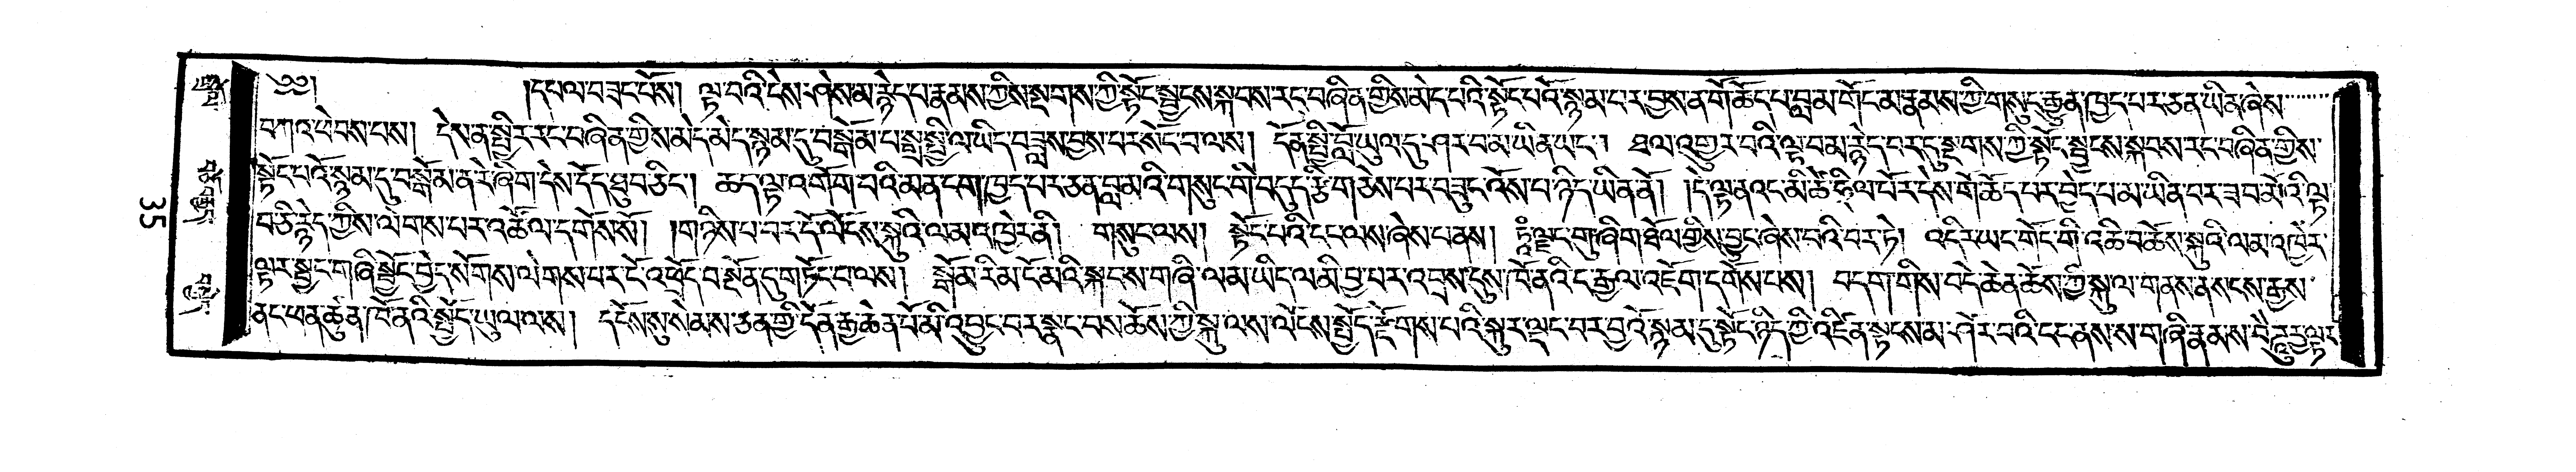༄༅། །དཔལ་བཟང་པོས། ལྟ་བའི་ངེས་ཤེས་མ་རྙེད་པ་རྣམས་ཀྱིས་སྔགས་ཀྱི་སྟོང་སྦྱངས་སྐབས་རང་བཞིན་གྱིས་མེད་པའི་སྟོང་པའོ་སྙམ་པར་བྱས་ན་གོ་ཚོད་པ་བླ་མ་གོང་མ་རྣམས་ཀྱི་གསུང་རྒྱུན་ཁྱད་པར་ཅན་ཡིན་ཞེས་
བཀའ་ཕེབས་པས། དེས་ན་སྤྱིར་རང་བཞིན་གྱིས་མེད་མེད་སྙམ་དུ་བསྒོམ་པ་སྒྲ་སྤྱི་ལ་ཡིད་བཟླས་བྱས་པར་སོང་བ་ལས། དོན་སྤྱི་བློ་ཡུལ་དུ་ཤར་བ་མ་ཡིན་ཡང་། ཐལ་འགྱུར་བའི་ལྟ་བ་མ་རྙེད་བར་དུ་སྔགས་ཀྱི་སྟོང་སྦྱངས་སྐབས་རང་བཞིན་གྱིས་
སྟོང་པའོ་སྙམ་དུ་བསྒོམ་ན་རེ་ཞིག་དེས་དོད་ཐུབ་ཅིང་། ཆད་ལྟ་འགོག་པའི་མན་ངག་ཁྱད་པར་ཅན་བླ་མའི་གསུང་གི་བདུད་རྩི་གཅེས་པར་བཟུང་འོས་པ་ཉིད་ཡིན་ནོ། །དེ་ལྟ་ནའང་མི་ཚེ་ཧྲིལ་བོར་དེས་གོ་ཆོད་པར་བྱེད་པ་མ་ཡིན་པར་ཟབ་མོའི་ལྟ་
བ་ཅི་རྙེད་ཀྱིས་ལེགས་པར་འཚོལ་དགོས་སོ། །གཉིས་པ་བར་དོ་ལོངས་སྐུའི་ལམ་འཁྱེར་ནི། གསུང་ལས། སྟོང་པའི་ངང་ལས་ཞེས་པ་ནས། ཏཱཾ་ལྗང་གུ་ཞིག་ཐོལ་གྱིས་བྱུང་ཞེས་པའི་བར་ཏེ། འདིར་ཡང་གོང་གི་འཆི་བ་ཆོས་སྐུའི་ལམ་འཁྱེར་
ལྟར་སྦྱང་གཞི་སྦྱོང་བྱེད་སོགས་ལེགས་པར་ངོ་འཕྲོད་པ་སྔོན་དུ་གཏོང་བ་ལས། སྒོམ་རིམ་ངོ་མའི་སྐབས་གཞི་ལམ་ཡིད་ལ་མི་བྱ་བར་འབྲས་དུས་ཁོ་ནའི་ང་རྒྱལ་འཇོག་དགོས་པས། བདག་གིས་བདེ་ཆེན་ཆོས་ཀྱི་སྐུ་ལ་གནས་ན་སངས་རྒྱས་
ནང་ཕན་ཚུན་ཁོ་ནའི་སྤྱོད་ཡུལ་ལས། དངོས་སུ་སེམས་ཅན་གྱི་དོན་རྒྱ་ཆེན་པོ་མི་འབྱུང་བར་སྣང་བས་ཆོས་ཀྱི་སྐུ་ལས་ལོངས་སྤྱོད་རྫོགས་པའི་སྐུར་ལྡང་བར་བྱའོ་སྙམ་དུ་སྟོང་ཉིད་ཀྱི་འཛིན་སྟངས་མ་ཤོར་བའི་ངང་ནས་ས་གཞི་རྣམས་བཻཌཱུརྱ་ལྟར་